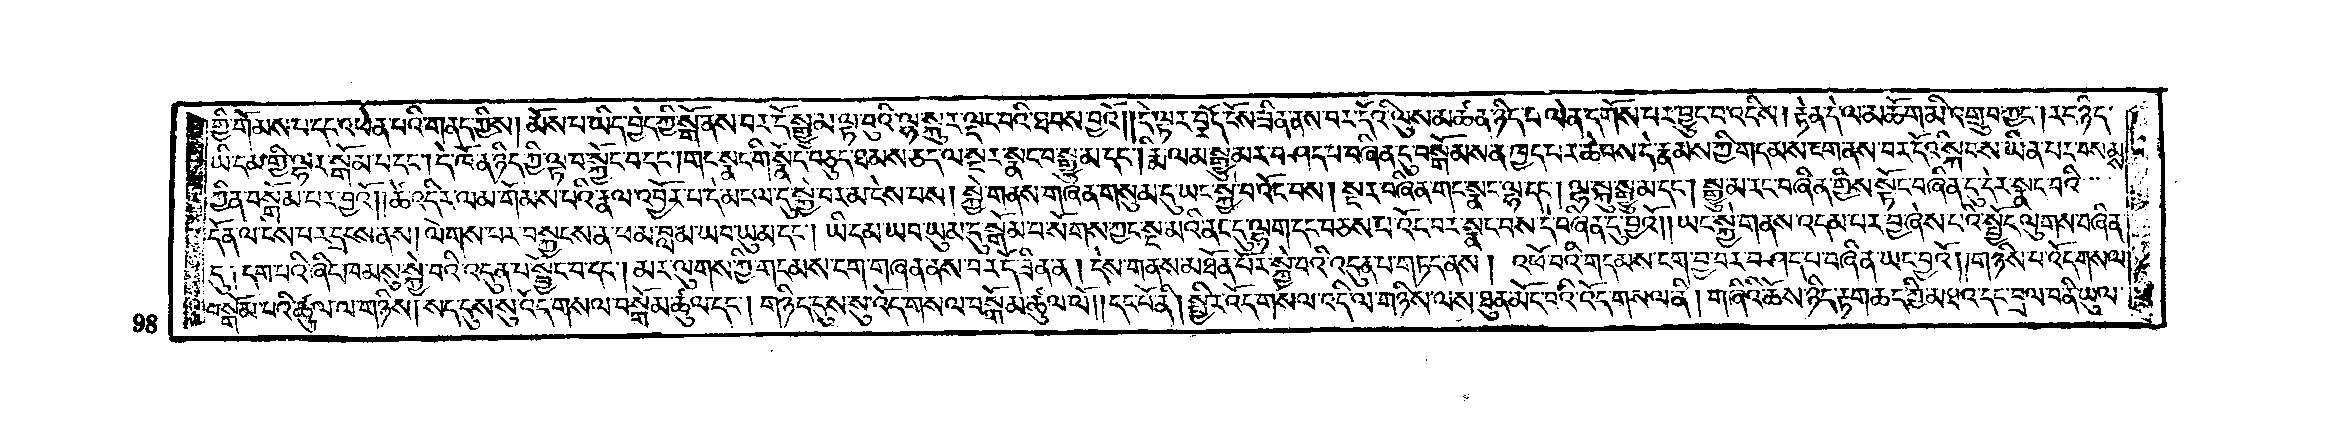གྱི་གོམས་པ་དང་འཕེན་པའི་གནད་ཀྱིས། མོས་པ་ཡིད་བྱེད་ཀྱི་སྒོ་ནས་བར་དོ་སྒྱུ་མ་ལྟ་བུའི་ལྷ་སྐུར་ལྡང་བའི་ཐབས་བྱའོ། །དེ་ལྟར་བར་དོ་ངོས་ཟིན་ནས་བར་དོའི་ལུས་མཚན་ཉིད་པ་ལེན་དགོས་པར་བྱུང་བ་འདིས། རྟེན་དེ་ལ་མཆོག་མི་འགྲུབ་ཀྱང་། རང་ཉིད་
ཡི་དམ་གྱི་ལྷར་སྒོམ་པ་དང་། དེ་ཁོ་ན་ཉིད་ཀྱི་ལྟ་བ་སྐྱོང་བ་དང་། གང་སྣང་གི་སྣོད་བཅུད་ཐམས་ཅད་ལ་སྔར་སྣང་བ་སྒྱུ་མ་དང་། རྨི་ལམ་སྒྱུ་མར་བཤད་པ་བཞིན་དུ་བསྒོམས་ན་ཁྱད་པར་ཆེ་བས་དེ་རྣམས་ཀྱི་གདམས་ངག་ནས་བར་དོའི་སྐབས་ཡིན་པར་བསམས་
ཀྱིན་བསྒོམ་པར་བྱའོ། །ཚེ་འདིར་ལམ་གོམས་པའི་རྣལ་འབྱོར་པ་དེ་མངལ་དུ་སྐྱེ་བར་མ་ངེས་པས། སྐྱེ་གནས་གཞན་གསུམ་དུ་ཡང་སྐྱེ་བ་འོང་བས། སྔར་བཞིན་གང་སྣང་ལྷ་དང་། ལྷ་སྐུ་སྒྱུ་མ་དང་། སྒྱུ་མ་རང་བཞིན་གྱིས་སྟོང་བཞིན་དུ་དེར་སྣང་བའི་
དོན་ལ་ངེས་པར་དྲངས་ནས། ལགས་པར་བསྐྱངས་ན་ཕ་མ་བླ་མ་ཡབ་ཡུམ་དང་། ཡི་དམ་ཡབ་ཡུམ་དུ་སྒོམ་པ་སོགས་ཀྱང་སྔ་མའི་ནང་དུ་ལྷག་དང་བཅས་པ་འོང་བར་སྣང་བས་དེ་བཞིན་དུ་བྱའོ། །ཡང་སྐྱེ་གནས་འདམ་པར་བྱ་ཞེས་པའི་སྤྱོད་ལུགས་བཞིན་
དུ། དག་པའི་ཞིང་ཁམས་སུ་སྐྱེ་བའི་འདུན་པ་སྦྱོང་བ་དང་། མར་ལུགས་ཀྱི་གདམས་ངག་གཞན་ནས་བར་དོ་ཟིན་ན། དེས་གནས་མཐོན་པོར་སྐྱེ་བའི་འདུན་པ་གཏད་ནས། འཕོ་བའི་གདམས་ངག་བྱ་བར་བཤད་པ་བཞིན་ཡང་བྱའོ། །གཉིས་པ་འོད་གསལ་
བསྒོམ་པའི་ཚུལ་ལ་གཉིས། སད་དུས་སུ་འོད་གསལ་བསྒོམ་ཚུལ་དང་། གཉིད་དུས་སུ་འོད་གསལ་བསྒོམ་ཚུལ་ལོ། །དང་པོ་ནི། སྤྱིར་འོད་གསལ་འདི་ལ་གཉིས་ལས་ཐུན་མོང་བའི་འོད་གསལ་ནི། གཞིའི་ཆོས་ཉིད་རྟག་ཆད་ཀྱི་མཐའ་དང་བྲལ་བ་ནི་ཡུལ་